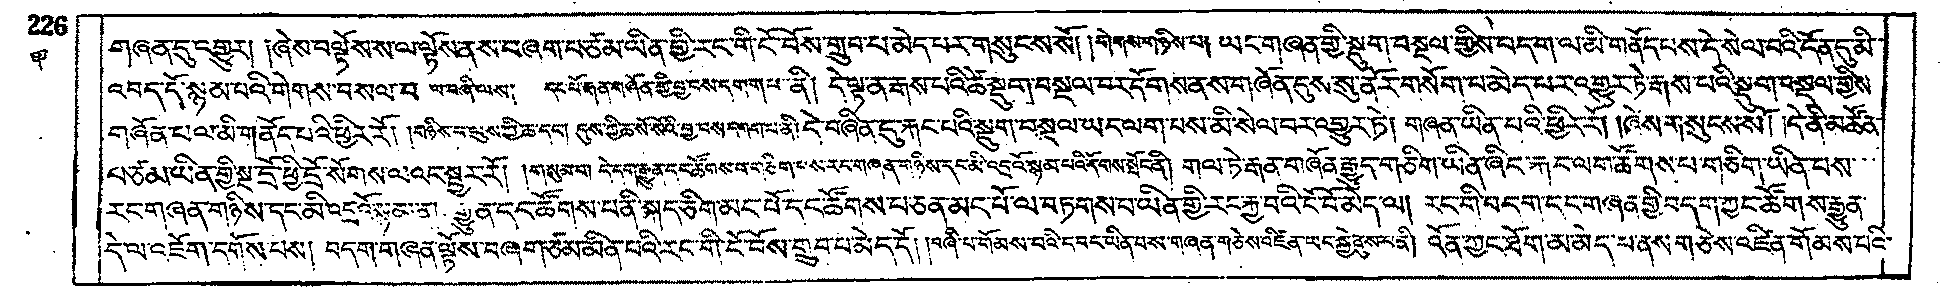གཞན་དུ་འགྱུར། །ཞེས་བལྟོས་ས་ལ་ལྟོས་ནས་བཞག་པ་ཙམ་ཡིན་གྱི་རང་གི་ངོ་བོས་གྲུབ་པ་མེད་པར་གསུངས་སོ། །གེགས་གཉིས་པ།  ཡང་གཞན་གྱི་སྡུག་བསྔལ་གྱིས་བདག་ལ་མི་གནོད་པས་དེ་སེལ་བའི་དོན་དུ་མི་
འབད་དོ་སྙམ་པའི་གེགས་བསལ་བ་ལ་བཞི་ལས། དང་པོ་རྒན་གཞོན་གྱི་བྱ་བས་དགག་པ་ནི། དེ་ལྟ་ན་རྒས་པའི་ཚེ་སྡུག་བསྔལ་བར་དོགས་ནས་གཞོན་དུས་སུ་ནོར་གསོག་པ་མེད་པར་འགྱུར་ཏེ་རྒས་པའི་སྡུག་བསྔལ་གྱིས་
གཞོན་པ་ལ་མི་གནོད་པའི་ཕྱིར་རོ། །གཉིས་པ་ལུས་ཀྱི་ཆ་དང་། དུས་ཀྱི་ཆ་སོ་སོའི་བྱ་བས་དགག་པ་ནི།  དེ་བཞིན་དུ་རྐང་པའི་སྡུག་བསྔལ་ཡང་ལག་པས་མི་སེལ་བར་འགྱུར་ཏེ། གཞན་ཡིན་པའི་ཕྱིར་རོ། །ཞེས་གསུངས་སོ། །དེ་ནི་མཚོན་
པ་ཙམ་ཡིན་གྱི་སྔ་དྲོ་ཕྱི་དྲོ་སོགས་ལའང་སྦྱར་རོ། །གསུམ་བ། དེ་དག་རྒྱུན་དང་ཚོགས་པ་གཅིག་པས་རང་གཞན་གཉིས་དང་མི་འདྲའོ་སྙམ་པའི་དོགས་སྤོང་ནི། གལ་ཏེ་རྒན་གཞོན་རྒྱུད་གཅིག་ཡིན་ཞིང་རྐང་ལག་ཚོགས་པ་གཅིག་ཡིན་པས་
རང་གཞན་གཉིས་དང་མི་འདྲའོ་སྙམ་ན། རྒྱུན་དང་ཚོགས་པ་ནི་སྐད་ཅིག་མང་པོ་དང་ཚོགས་པ་ཅན་མང་པོ་ལ་བཏགས་པ་ཡིན་གྱི་རང་རྐྱ་བའི་ངོ་བོ་མེད་ལ། རང་གི་བདག་དང་གཞན་གྱི་བདག་ཀྱང་ཚོགས་རྒྱུན་
དེ་ལ་འཇོག་དགོས་པས། བདག་གཞན་ལྟོས་བཞག་ཙམ་མིན་པའི་རང་གི་ངོ་བོས་གྲུབ་པ་མེད་དོ། །བཞི་པ་གོམས་པའི་དབང་ཡིན་པས་གཞན་གཅེས་འཛིན་ཡང་སྐྱེ་ནུས་པ་ནི།  འོན་ཀྱང་ཐོག་མ་མེད་པ་ནས་གཅེས་འཛིན་གོམས་པའི་